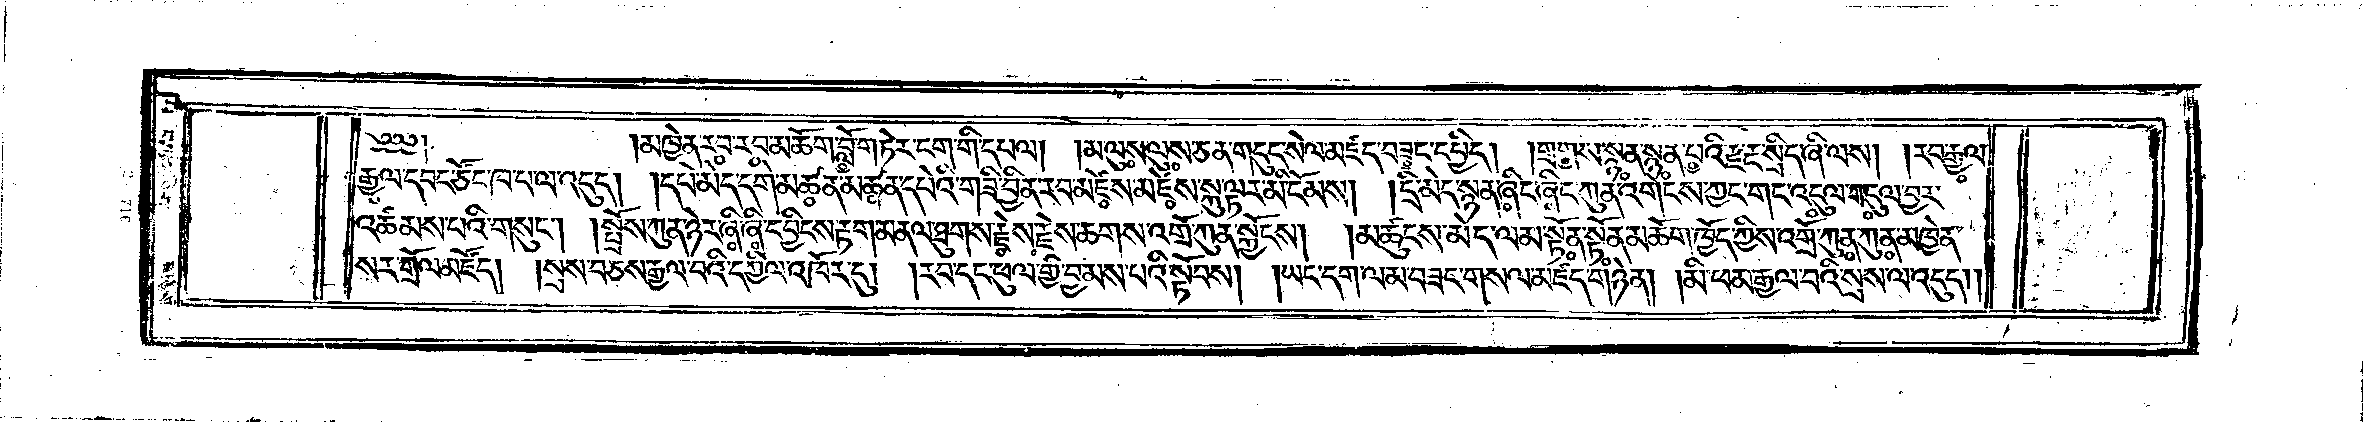༄༅༅། །མཁྱེན་རབ༠་རབ༠་མཆོག་བློ༠་གཏེར་ངག་གི་དཔལ། །མ༠་ལུས༠་ལུས༠་ཅན་གདུང་སེལ་མཛད་བཟང༠་དཔྱིད། །གྲགས༠་སྙན༠་སྙན༠་པའི༠་རྫ་རྔ་སྲིད་ཞི་ལས། །རབ་རྒྱལ༠
རྒྱལ་དབང་ཙོང་ཁ་པ་ལ་འདུད། །དཔེ་མེད་དགེ་མཚན༠་མཚན༠་དཔེའི་གཟི་བྱིན་རབ་མཛེས༠་མཛེས༠་སྐུ་ལྟར་མི་ངོམས། །དྲི་མེད་སྙན་ཞིང༠་ཞིང༠་ཀུན་འགེངས་ཀྱང་གང་འདུལ༠་འདུལ༠་བྱར་
འཚམས་པའི་གསུང་། །སྤྲོས་ཀུན་ཉེར་ཞི༠་ཞི༠་དབྱིངས་རྟག་མནལ་ཐུགས་རྗེས༠་རྗེས༠་ཆགས་འགྲོ་ཀུན་སྐྱོངས། །མཚུངས་མེད་ལམ་སྟོན༠་སྟོན༠་མཆོག་ཁྱོད་ཀྱིས་འགྲོ་ཀུན༠་ཀུན༠་མཁྱེན་
སར་གྲོལ་མཛོད། །སྲས་བཅས་རྒྱལ་བའི་དཀྱིལ་འཁོར་དུ། །རབ་དང་ཕལ་གྱི་བྱམས་པའི་སྟོབས། །ཡང་དག་ལམ་བཟང་གསལ་མཛད་གཉེན། །མི་ཕམ་རྒྱལ་བའི་སྲས་ལ་འདུད།།